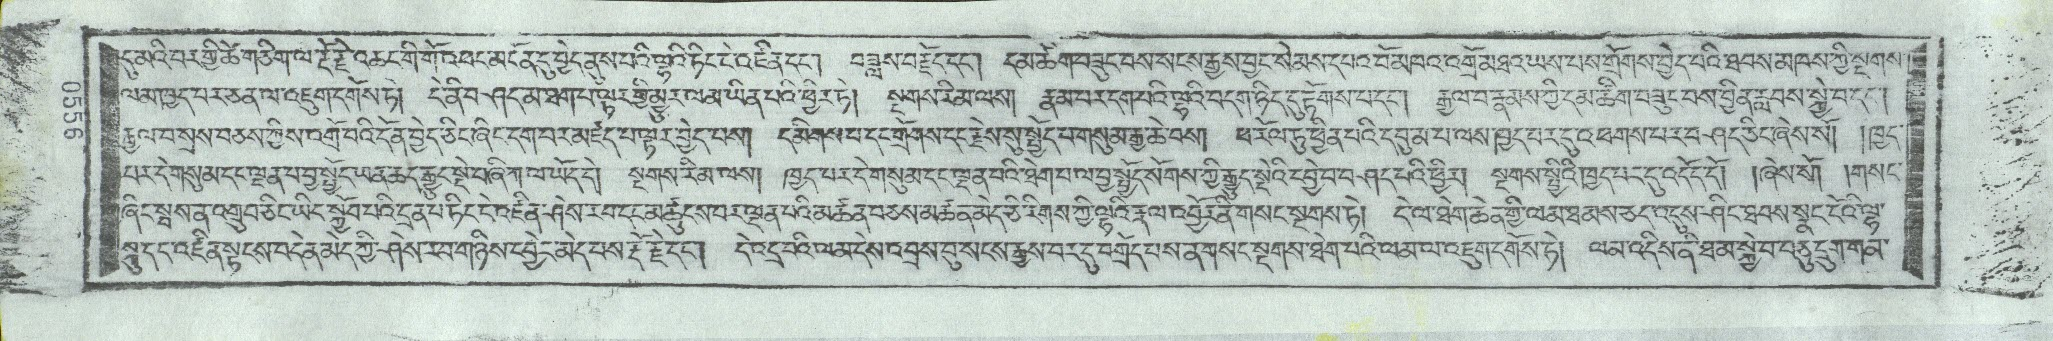དུ་མའི་བར་གྱི་ཚེ་གཅིག་ལ་རྡོ་རྗེ་འཆང་གི་གོ་འཕང་མངོན་དུ་བྱེད་ནུས་པའི་ལྷའི་ཏིང་ངེ་འཛིན་དང་། བཟླས་བརྗོད་དང་། དམ་ཚིག་བཟུང་བས་སངས་རྒྱས་བྱང་སེམས་དཔའ་བོ་མཁའ་འགྲོ་མཐའ་ཡས་པས་གྲོགས་བྱེད་པའི་ཐབས་མཁས་ཀྱི་སྔགས་
ལམ་ཁྱད་པར་ཅན་ལ་འཇུག་དགོས་ཏེ། དེ་ནི་བཤད་མ་ཐག་པ་ལྟར་གྱི་མྱུར་ལམ་ཡིན་པའི་ཕྱིར་ཏེ། སྔགས་རིམ་ལས། རྣམ་པར་དག་པའི་ལྷའི་བདག་ཉིད་དུ་རྟོགས་པ་དང་། རྒྱལ་བ་རྣམས་ཀྱི་དམ་ཚིག་བཟུང་བས་བྱིན་རླབས་སྐྱེ་བ་དང་།
རྒྱལ་བ་སྲས་བཅས་ཀྱིས་འགྲོ་བའི་དོན་བྱེད་ཅིང་ཞིང་དག་པར་མཛད་པ་ལྟར་བྱེད་པས། དམིགས་པ་དང་གྲོགས་དང་རྗེས་སུ་སྤྱོད་པ་གསུམ་རྒྱ་ཆེ་བས། ཕ་རོལ་དུ་ཕྱིན་པའི་དབུ་མ་པ་ལས་ཁྱད་པར་དུ་འཕགས་པར་བཤད་ཅིང་ཞེས་སོ། །ཁྱད་
པར་དེ་གསུམ་དང་ལྡན་པ་བྱ་སྤྱོད་ཡན་ཆད་རྒྱུད་སྡེ་བཞི་ཀ་ལ་ཡོད་དེ། སྔགས་རིམ་ལས། ཁྱད་པར་དེ་གསུམ་དང་ལྡན་པའི་ཐེག་པ་ལ་བྱ་སྤྱོད་སོགས་ཀྱི་རྒྱུད་སྡེའི་དབྱེ་བ་བཤད་པའི་ཕྱིར། སྔགས་སྤྱིའི་ཁྱད་པར་དུ་འདོད་དོ། །ཞེས་སོ། །གསང་
ཞིང་སྦས་ན་འགྲུབ་ཅིང་ཡིད་སྐྱོབ་པའི་དྲན་པ་ཏིང་ངེ་འཛིན་ཤེས་རབ་དང་མཚུངས་པར་ལྡན་པའི་མཚན་བཅས་མཚན་མེད་ཅི་རིགས་ཀྱི་ལྷའི་རྣལ་འབྱོར་ནི་གསང་སྔགས་ཏེ། དེ་ལ་ཐེག་ཆེན་གྱི་ལམ་ཐམས་ཅད་འདུས་ཤིང་ཐབས་སྣང་ངོའི་ལྷ་
སྐུ་དང་འཛིན་སྟངས་བདེན་མེད་ཀྱི་ཤེས་རབ་གཉིས་དབྱེར་མེད་པས་རྡོ་རྗེ་དང་། དེ་འདྲ་བའི་ལམ་དེས་འབྲས་བུ་སངས་རྒྱས་པར་དུ་བགྲོད་པས་ན་གསང་སྔགས་ཐེག་པའི་ལམ་ལ་འཇུག་དགོས་ཏེ། ལམ་འདིས་ནི་ཐ་མ་སྐྱེ་བ་བཅུ་དྲུག་གམ་